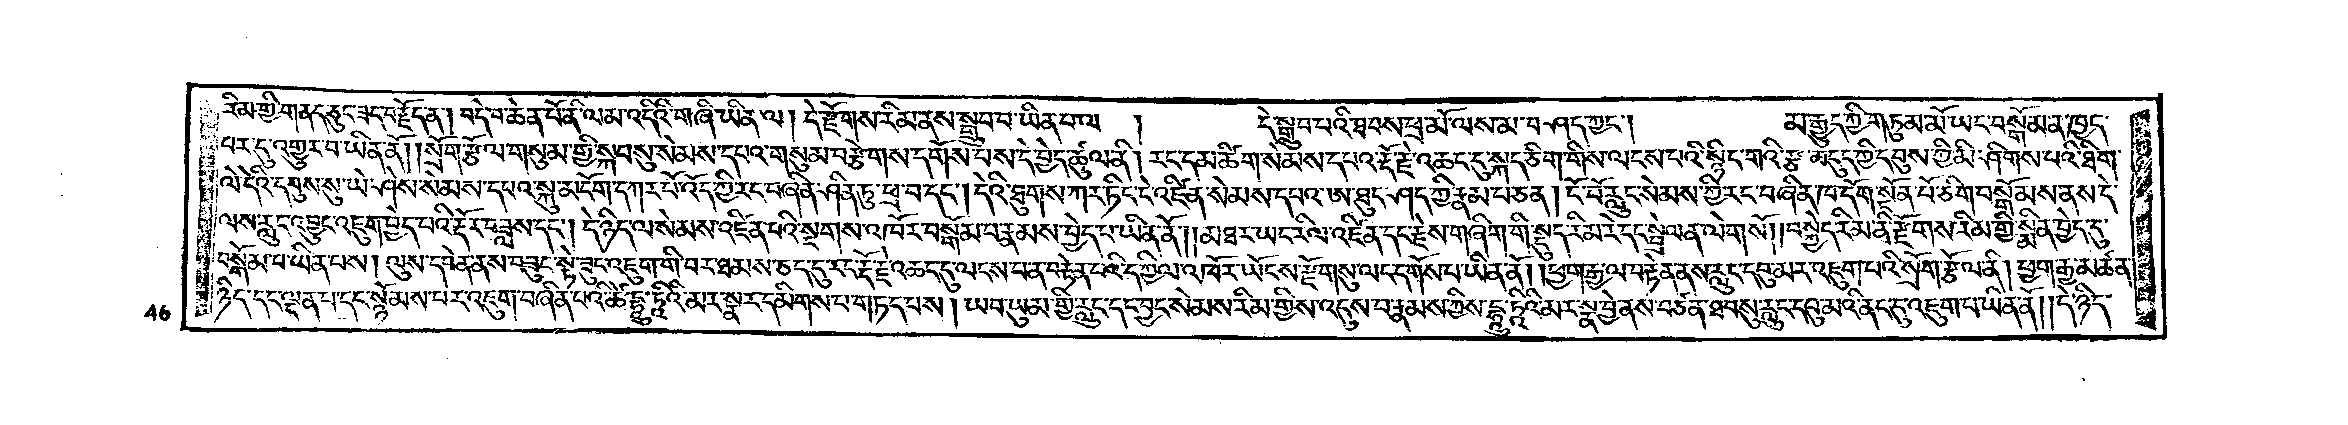རིམ་གྱི་གནད་ཅུང་ཟད་བརྗོད་ན། བདེ་བ་ཆེན་པོ་ནི་ལམ་འདིའི་གཞི་ཡིན་ལ། དེ་རྫོགས་རིམ་ནས་སྒྲུབ་པ་ཡིན་པ་ལ། དེ་སྒྲུབ་པའི་ཐབས་ཕྲ་མོ་ལས་མ་བཤད་ཀྱང་། མ་རྒྱུད་ཀྱི་གཏུམ་མོ་ཡང་བསྒོམ་ན་ཁྱད་
པར་དུ་འགྱུར་བ་ཡིན་ནོ། །སྲོག་རྩོལ་གསུམ་གྱི་སྐབས་སུ་སེམས་དཔའ་གསུམ་བརྩེགས་དགོས་པས་དེ་བྱེད་ཚུལ་ནི། རང་དམ་ཚིག་སེམས་དཔའ་རྡོ་རྗེ་འཆང་དུ་སྐད་ཅིག་གིས་ལངས་པའི་སྙིང་གའི་རྩ་མདུད་ཀྱི་དབུས་ཀྱི་མི་ཤིགས་པའི་ཐིག་
ལེ་དེའི་དབུས་སུ་ཡེ་ཤེས་སེམས་དཔའ་སྐུ་མདོག་དཀར་པོ་འོད་ཀྱི་རང་བཞིན་ཤིན་ཏུ་ཕྲ་བ་དང་། དེའི་ཐུགས་ཀར་ཏིང་ངེ་འཛིན་སེམས་དཔའ་ཨ་ཐུང་ཤད་ཀྱི་རྣམ་པ་ཅན། ངོ་བོ་རླུང་སེམས་ཀྱི་རང་བཞིན་ཁ་དོག་སྔོན་པོ་ཅིག་བསྒོམས་ནས་དེ་
ལས་རླུང་འབྱུང་འཇུག་བྱེད་པའི་རྡོར་བཟླས་དང་། དེ་ཉིད་ལ་སེམས་འཛིན་པའི་སྔགས་འཁོར་བསྒོམ་པ་རྣམས་བྱེད་པ་ཡིན་ནོ། །མཐར་ཡང་རིལ་འཛིན་དང་རྗེས་གཞིག་གི་སྡུད་རིམ་རེ་དང་སྦྲེལ་ན་ལེགས་སོ། །བསྐྱེད་རིམ་ནི་རྫོགས་རིམ་གྱི་སྨིན་བྱེད་དུ་
བསྒོམ་པ་ཡིན་པས། ལུས་དབེན་ནས་བཟུང་སྟེ་ཟུང་འཇུག་གི་བར་ཐམས་ཅད་དུ་རང་རྡོ་རྗེ་འཆང་དུ་ལངས་པ་ན་བརྟེན་པའི་དཀྱིལ་འཁོར་ཡོངས་རྫོགས་སུ་ལང་དགོས་པ་ཡིན་ནོ། །ཕྱག་རྒྱ་ལ་བརྟེན་ནས་རླུང་དབུ་མར་འཇུག་པའི་སྲོག་རྩོལ་ནི། ཕྱག་རྒྱ་མཚན་
ཉིད་དང་ལྡན་པ་དང་སྙོམས་པར་འཇུག་བཞིན་པའི་ཚེ་དྷཱུ་ཏཱིའི་མར་སྣར་དམིགས་པ་གཏད་པས། ཡབ་ཡུམ་གྱི་རླུང་དང་བྱང་སེམས་རིམ་གྱིས་འདུས་པ་རྣམས་ཀྱིས་དྷཱུ་ཏཱིའི་མར་སྣ་བྱེ་ནས་བཙན་ཐབས་སུ་རླུང་དབུ་མའི་ནང་དུ་འཇུག་པ་ཡིན་ནོ། །དེ་ཉིད་